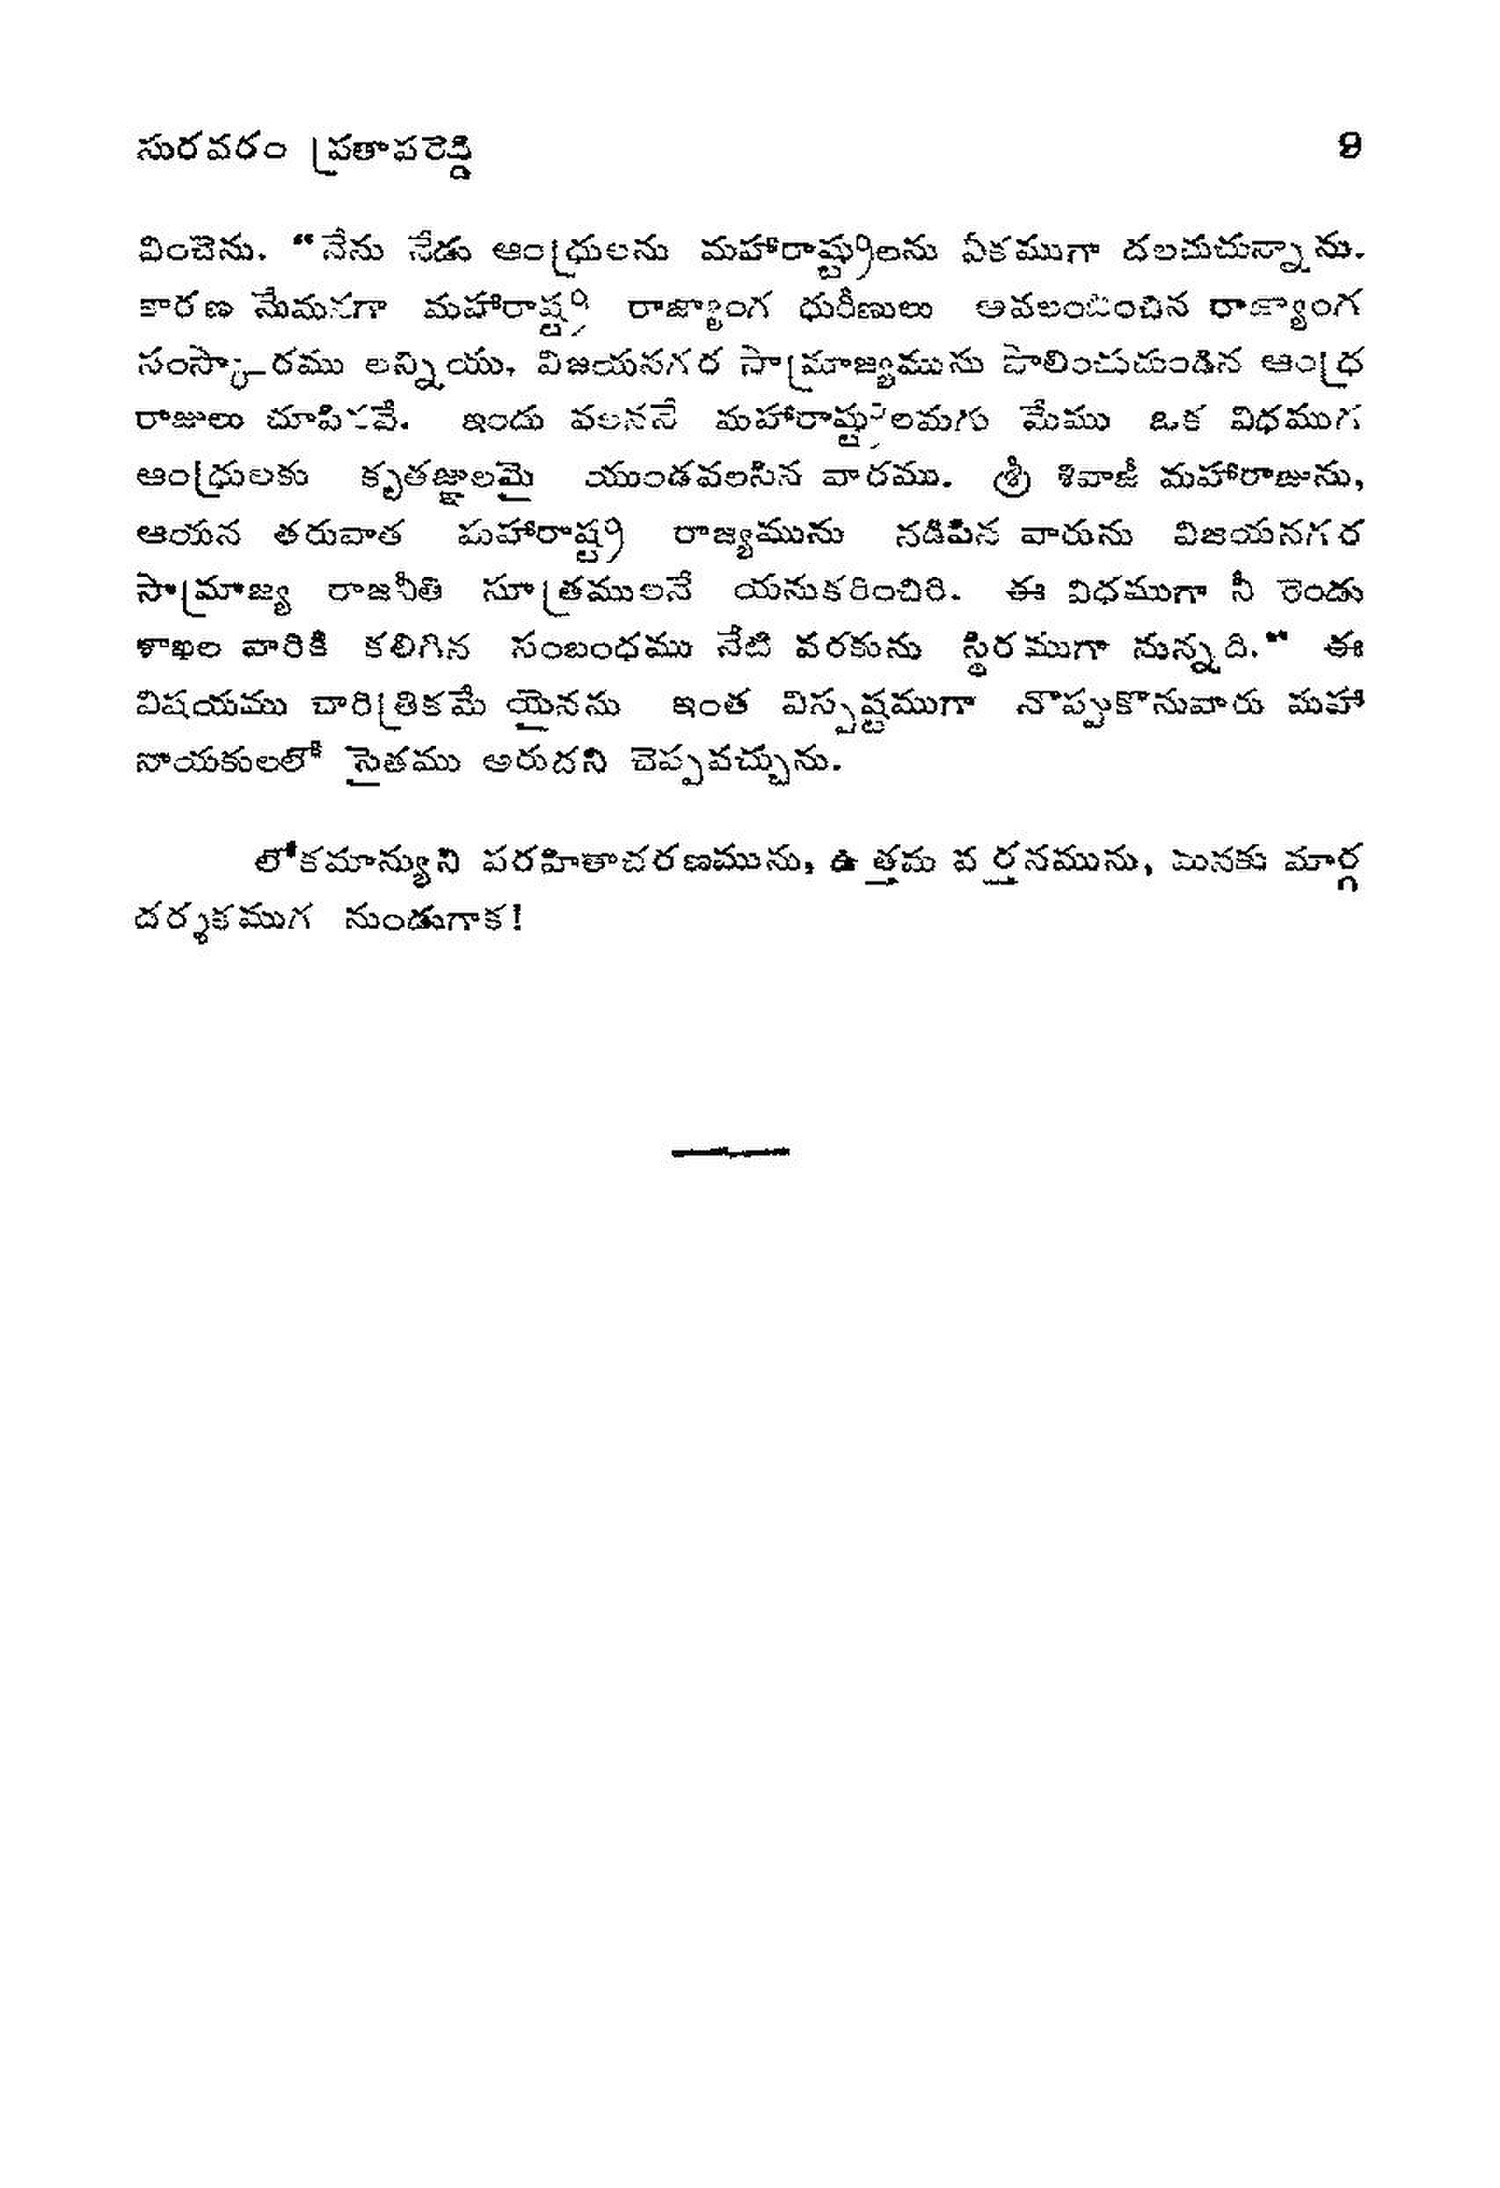వించెను. "నేను నేడు ఆంధ్రులను మహారాష్ట్రులను ఏకముగా దలచుచున్నాను. కారణ మేమనగా మహారాష్ట్ర రాజ్యాంగ ధురీణులు అవలంబించిన రాజ్యాంగ సంస్కారము లన్నియు, విజయనగర సామ్రాజ్యమును పాలించుచుండిన ఆంధ్ర రాజులు చూపినవే. ఇందు వలననే మహారాష్ట్రులమగు మేము ఒక విధముగ ఆంధ్రులకు కృతజ్ఞులమై యుండవలసిన వారము. శ్రీ శివాజీ మహారాజును, ఆయన తరువాత మహారాష్ట్ర రాజ్యమును నడిపిన వారును విజయనగరసామ్రాజ్య రాజనీతి సూత్రములనే యనుకరించిరి. ఈ విధముగా నీ రెండు శాఖల వారికి కలిగిన సంబంధము నేటి వరకును స్థిరముగా నున్నది." ఈ విషయము చారిత్రికమే యైనను ఇంత విస్పష్టముగా నొప్పుకొనువారు మహా నాయకులలో సైతము అరుదని చెప్పవచ్చును.

లోకమాన్యుని పరహితాచరణమును, ఉత్తమ వర్తనమును, మనకు మార్గదర్శకముగ నుండుగాక!